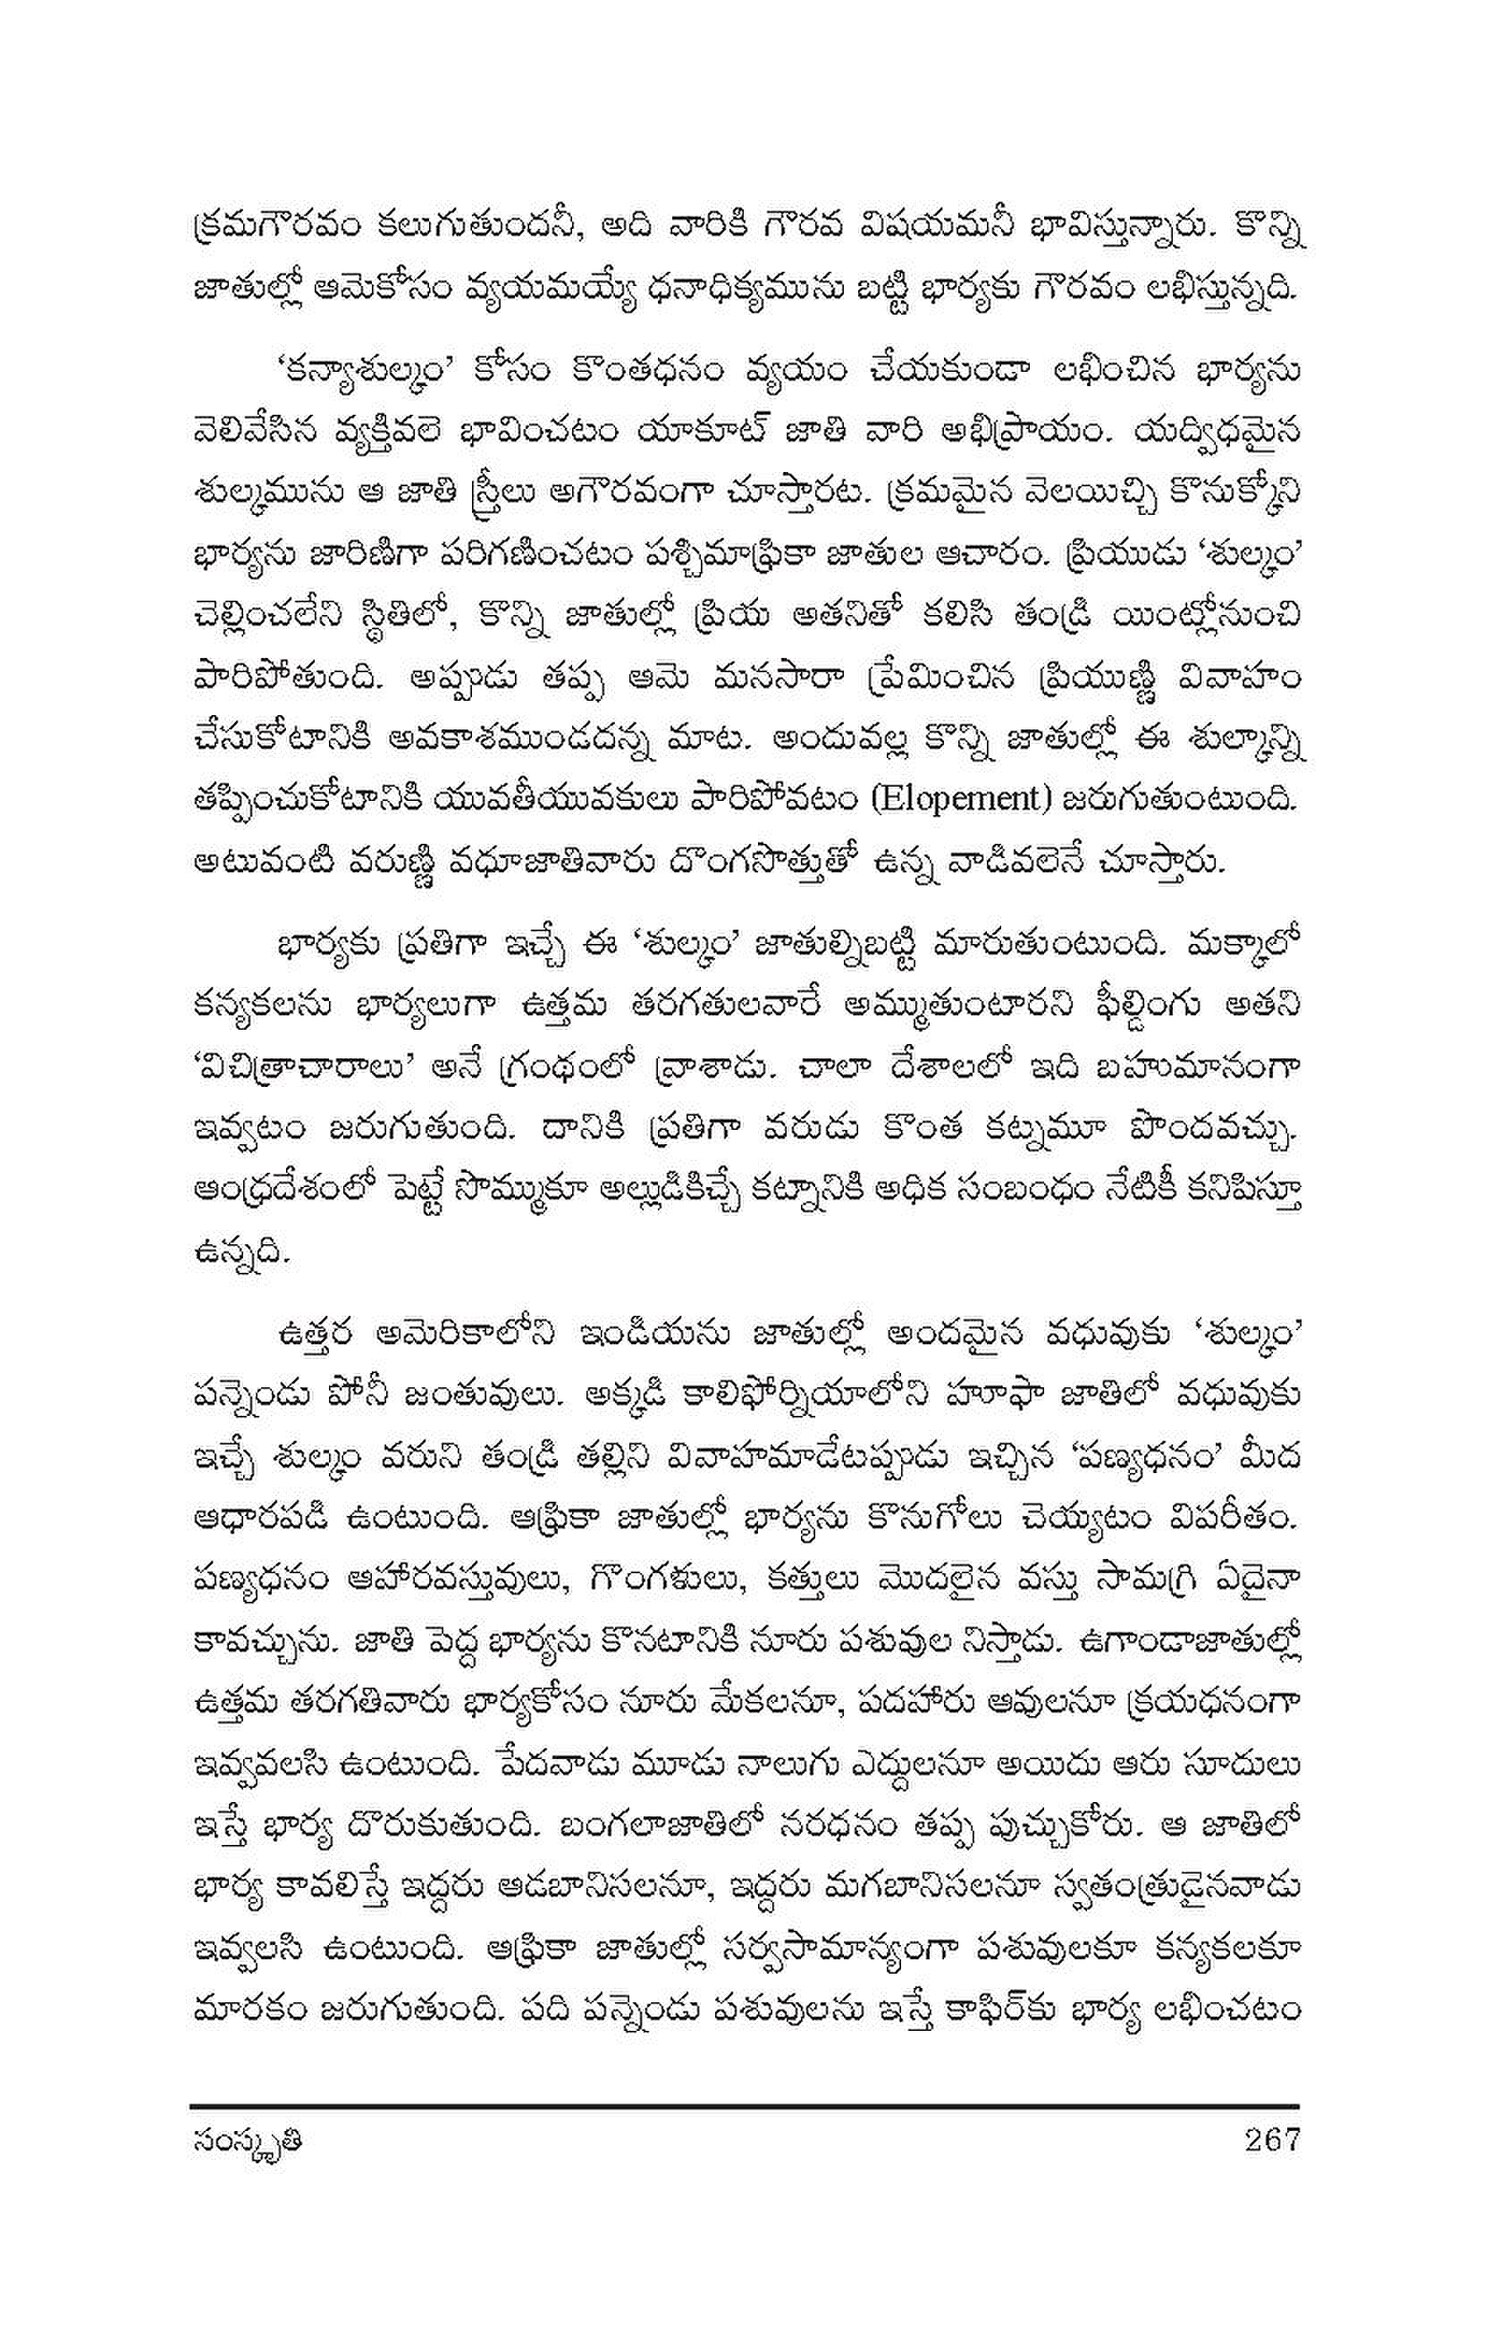క్రమగౌరవం కలుగుతుందనీ, అది వారికి గౌరవ విషయమని భావిస్తున్నారు. కొన్ని
జాతుల్లో ఆమెకోసం వ్యయమయ్యే ధనాధిక్యమును బట్టి భార్యకు గౌరవం లభిస్తున్నది.

'కన్యాశుల్కం' కోసం కొంతధనం వ్యయం చేయకుండా లభించిన భార్యను
వెలివేసిన వ్యక్తివలె భావించటం యాకూట్ జాతి వారి అభిప్రాయం. యద్విధమైన
శుల్కమును ఆ జాతి స్త్రీలు అగౌరవంగా చూస్తారట. క్రమమైన వెలయిచ్చి కొనుక్కోని
భార్యను జారిణిగా పరిగణించటం పశ్చిమాఫ్రికా జాతుల ఆచారం. ప్రియుడు 'శుల్కం'
చెల్లించలేని స్థితిలో, కొన్ని జాతుల్లో ప్రియ అతనితో కలిసి తండ్రి యింట్లోనుంచి
పారిపోతుంది. అప్పుడు తప్ప ఆమె మనసారా ప్రేమించిన ప్రియుణ్ణి వివాహం
చేసుకోటానికి అవకాశముండదన్న మాట. అందువల్ల కొన్ని జాతుల్లో ఈ శుల్కాన్ని
తప్పించుకోటానికి యువతీయువకులు పారిపోవటం (Elopement) జరుగుతుంటుంది.
అటువంటి వరుణ్ణి వధూజాతివారు దొంగసొత్తుతో ఉన్న వాడివలెనే చూస్తారు.

భార్యకు ప్రతిగా ఇచ్చే ఈ 'శుల్కం' జాతుల్నిబట్టి మారుతుంటుంది. మక్కాలో
కన్యకలను భార్యలుగా ఉత్తమ తరగతులవారే అమ్ముతుంటారని ఫీల్డింగు అతని
'విచిత్రాచారాలు' అనే గ్రంథంలో వ్రాశాడు. చాలా దేశాలలో ఇది బహుమానంగా
ఇవ్వటం జరుగుతుంది. దానికి ప్రతిగా వరుడు కొంత కట్నమూ పొందవచ్చు.
ఆంధ్రదేశంలో పెట్టే సొమ్ముకూ అల్లుడికిచ్చే కట్నానికి అధిక సంబంధం నేటికీ కనిపిస్తూ
ఉన్నది.

ఉత్తర అమెరికాలోని ఇండియను జాతుల్లో అందమైన వధువుకు 'శుల్కం'
పన్నెండు పోనీ జంతువులు. అక్కడి కాలిఫోర్నియాలోని హూఫా జాతిలో వధువుకు
ఇచ్చే శుల్కం వరుని తండ్రి తల్లిని వివాహమాడేటప్పుడు ఇచ్చిన 'పణ్యధనం' మీద
ఆధారపడి ఉంటుంది. ఆఫ్రికా జాతుల్లో భార్యను కొనుగోలు చెయ్యటం విపరీతం.
పణ్యధనం ఆహారవస్తువులు, గొంగళులు, కత్తులు మొదలైన వస్తు సామగ్రి ఏదైనా
కావచ్చును. జాతి పెద్ద భార్యను కొనటానికి నూరు పశువుల నిస్తాడు. ఉగాండాజాతుల్లో
ఉత్తమ తరగతివారు భార్యకోసం నూరు మేకలనూ, పదహారు ఆవులనూ క్రయధనంగా
ఇవ్వవలసి ఉంటుంది. పేదవాడు మూడు నాలుగు ఎద్దులనూ అయిదు ఆరు సూదులు
ఇస్తే భార్య దొరుకుతుంది. బంగలాజాతిలో నరధనం తప్ప పుచ్చుకోరు. ఆ జాతిలో
భార్య కావలిస్తే ఇద్దరు ఆడబానిసలనూ, ఇద్దరు మగబానిసలనూ స్వతంత్రుడైనవాడు
ఇవ్వలసి ఉంటుంది. ఆఫ్రికా జాతుల్లో సర్వసామాన్యంగా పశువులకూ కన్యకలకూ
మారకం జరుగుతుంది. పది పన్నెండు పశువులను ఇస్తే కాఫిర్కు భార్య లభించటం